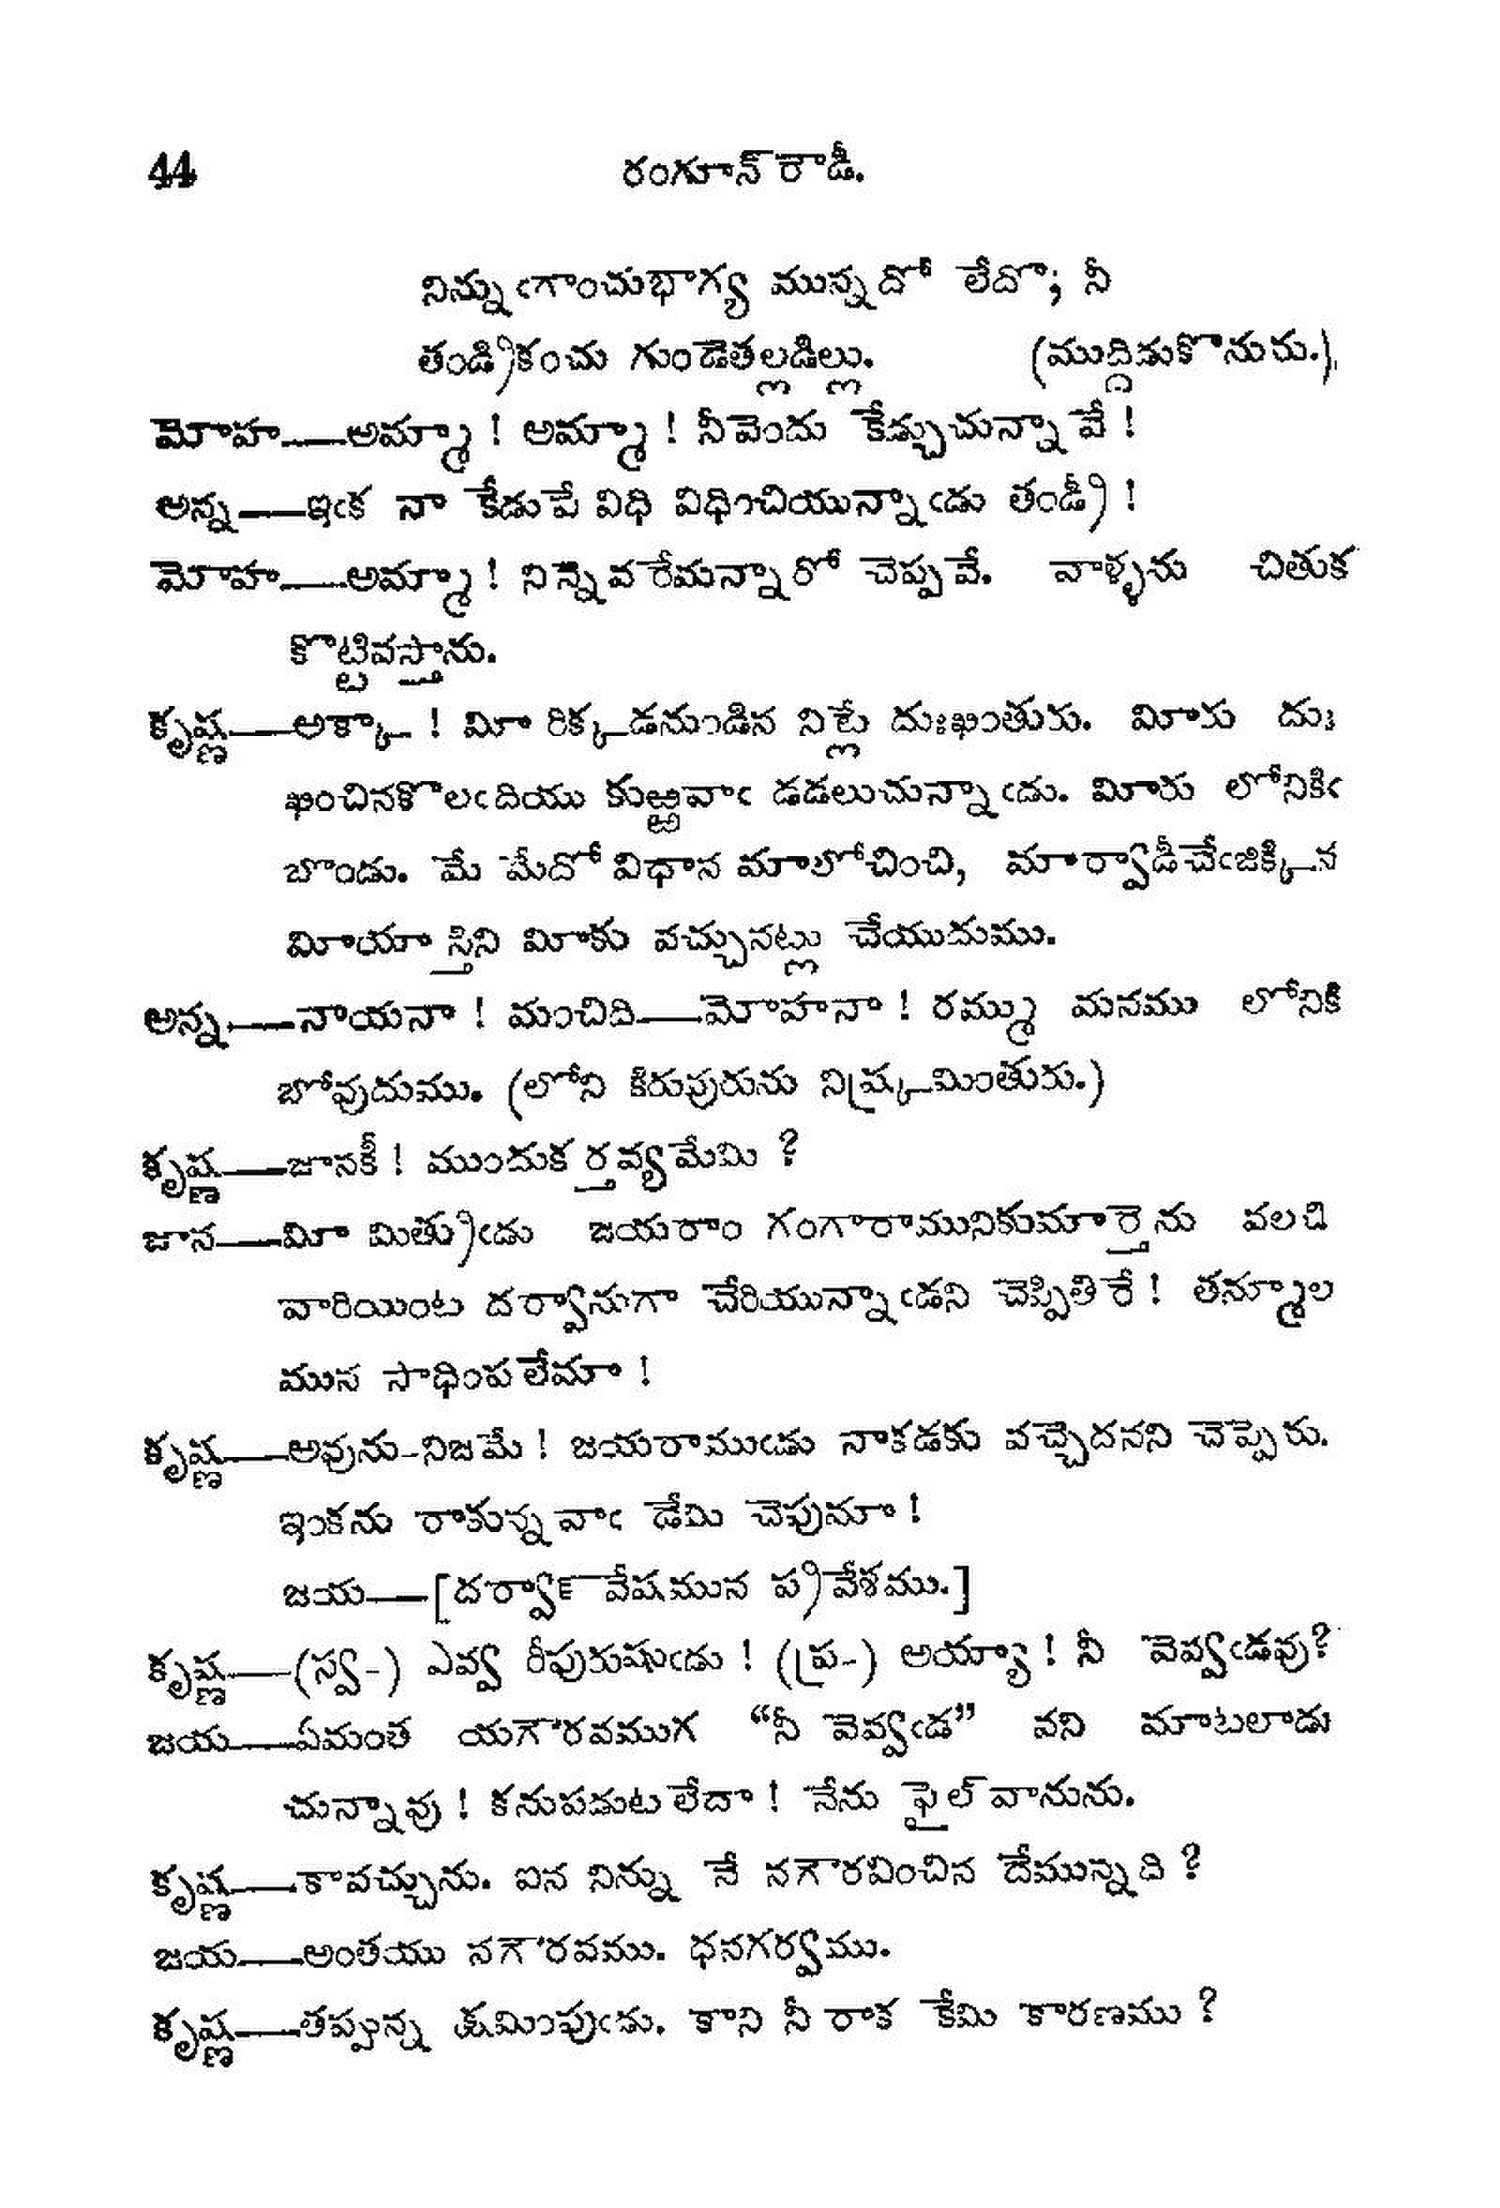నిన్నుఁగాంచుభాగ్య మున్నదో లేదో; నీ
 తండ్రికంచు గుండెతల్లడిల్లు, (ముద్దిడుకొనును.)
మోహ - అమ్మా ! అమ్మా ! నీవెందు కేడ్చుచున్నావే !

అన్న - ఇఁక నా కేడుపే విధి విధించియున్నాఁడు తండ్రీ !

మోహ - అమ్మా ! నిన్నెవరేమన్నారో చెప్పవే. వాళ్ళను చితుక కొట్టివస్తాను.

కృష్ణ - అక్కా ! మీ రిక్కడనుండిన నిట్లే దుఃఖంతురు. మీకు దుఃఖించినకొలఁదియు కుఱ్ఱవాఁ డడలుచున్నాఁడు. మీరు లోనికిఁ బొండు. మే మేదో విధాన మాలోచించి, మార్వాడీచేఁజిక్కిన
మీయాస్తిని మీకు వచ్చునట్లు చేయుదుము.

అన్న -- నాయనా ! మంచిది - మోహనా ! రమ్ము మనము లోనికి బోవుదుము. (లోని కిరువురును నిష్క్రమింతురు.)

కృష్ణ - జానకీ ! ముందుకర్తవ్యమేమి ?

జాన - మీ మిత్రుఁడు జయరాం గంగారామునికుమార్తెను వలచి వారియింట దర్వానుగా చేరియున్నాఁడని చెప్పితిరే ! తన్మూలమున సాధింపలేమా!

కృష్ణ - అవును నిజమే ! జయరాముఁడు నాకడకు వచ్చెదనని చెప్పెను. ఇంకను రాకున్నవాఁ డేమి చెపుమా !

జయ - (దర్వాన్ వేషమున ప్రవేశము.)

కృష్ణ --(స్వ-) ఎవ్వ రీపురుషుఁడు ! (ప్ర-) అయ్యా ! నీ వెవ్వఁడవు?

జయ - ఏమంత యగౌరవముగ “నీ వెవ్వఁడ” వని మాటలాడుచున్నావు ! కనుపడుట లేదా ! నేను ఫైల్ వానును.

కృష్ణ - కావచ్చును. ఐన నిన్ను నే నగౌరవించిన దేమున్నది ?

జయ - అంతయు సగౌరవము. ధనగర్వము.

కృష్ణ — తప్పున్న క్షమింపుఁడు. కాని నీ రాక కేమి కారణము ?